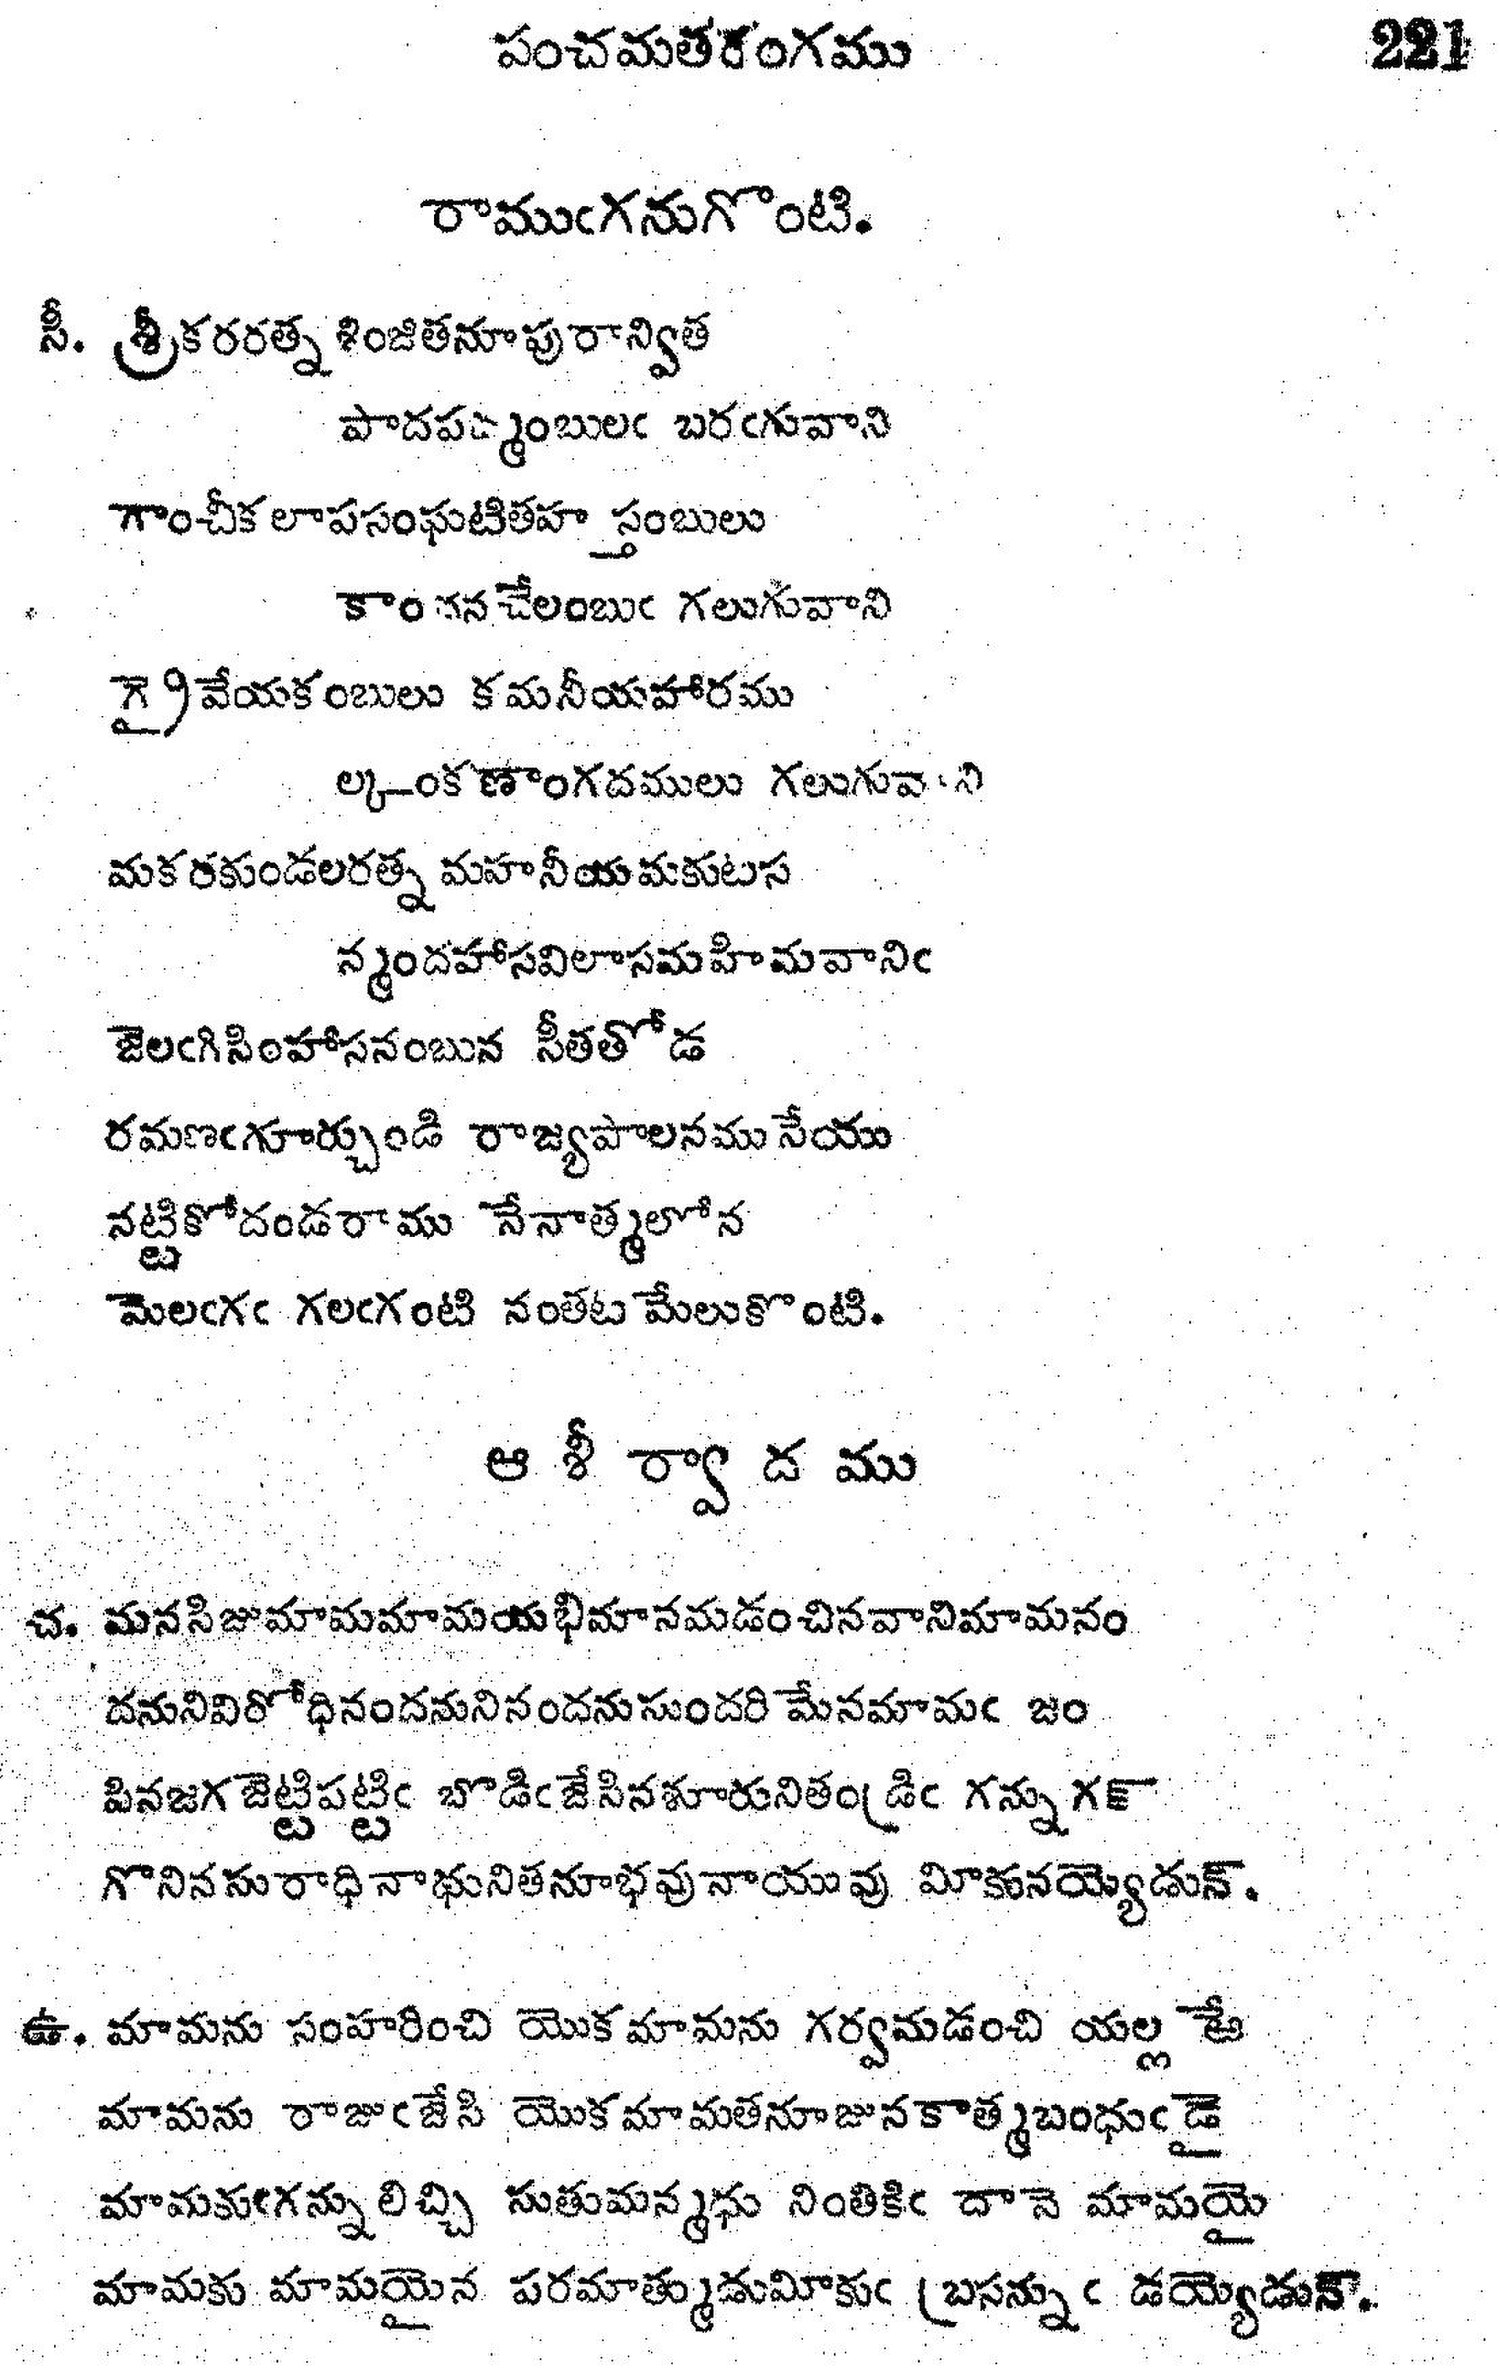సీ. శ్రీకరరత్నశింజితనూపురాన్విత
 పాదపద్మంబులఁ బరఁగువాని
 గాంచీకలాపసంఘటితహస్తంబులు
 కాంచనచేలంబుఁ గలుగువాని
 గ్రైవేయకంబులు కమనీయహారము
 ల్కంకణాంగదములు గలుగువాని
 మకరకుండలరత్నమహనీయమకుటస
 న్మందహాసవిలాసమహిమవానిఁ
 జెలఁగి సింహాసనంబున సీతతోడ
 రమణఁ గూర్చుండి రాజ్యపాలనము సేయు
 నట్టికోదండరాము నేనాత్మలోన
 మెలఁగఁ గలఁగంటి నంతట మేలుకొంటి.

చ. మనసిజుమామమామయభిమానమడంచినవానిమామనం
 దనునివిరోధినందనునినందనుసుందరిమేనమామఁ జం
 పిన జగజెట్టిపట్టిఁ బొడిఁజేసినశూరునితండ్రిఁ గన్నుగన్
 గొనినసురాధినాథునితనూభవునాయువు మీకు నయ్యెడున్.

ఉ. మామను సంహరించి యొకమామను గర్వ మడంచి యల్లఱే
 మామను రాజుఁ జేసి యొకమామతనూజున కాత్మబంధుఁడై
 మామకుఁ గన్నులిచ్చి సుతుమన్మథు నింతికిఁ దానె మామయై
 మామకు మామయైన పరమాత్ముఁడు మీకుఁ బ్రసన్నుఁ డయ్యెడున్.